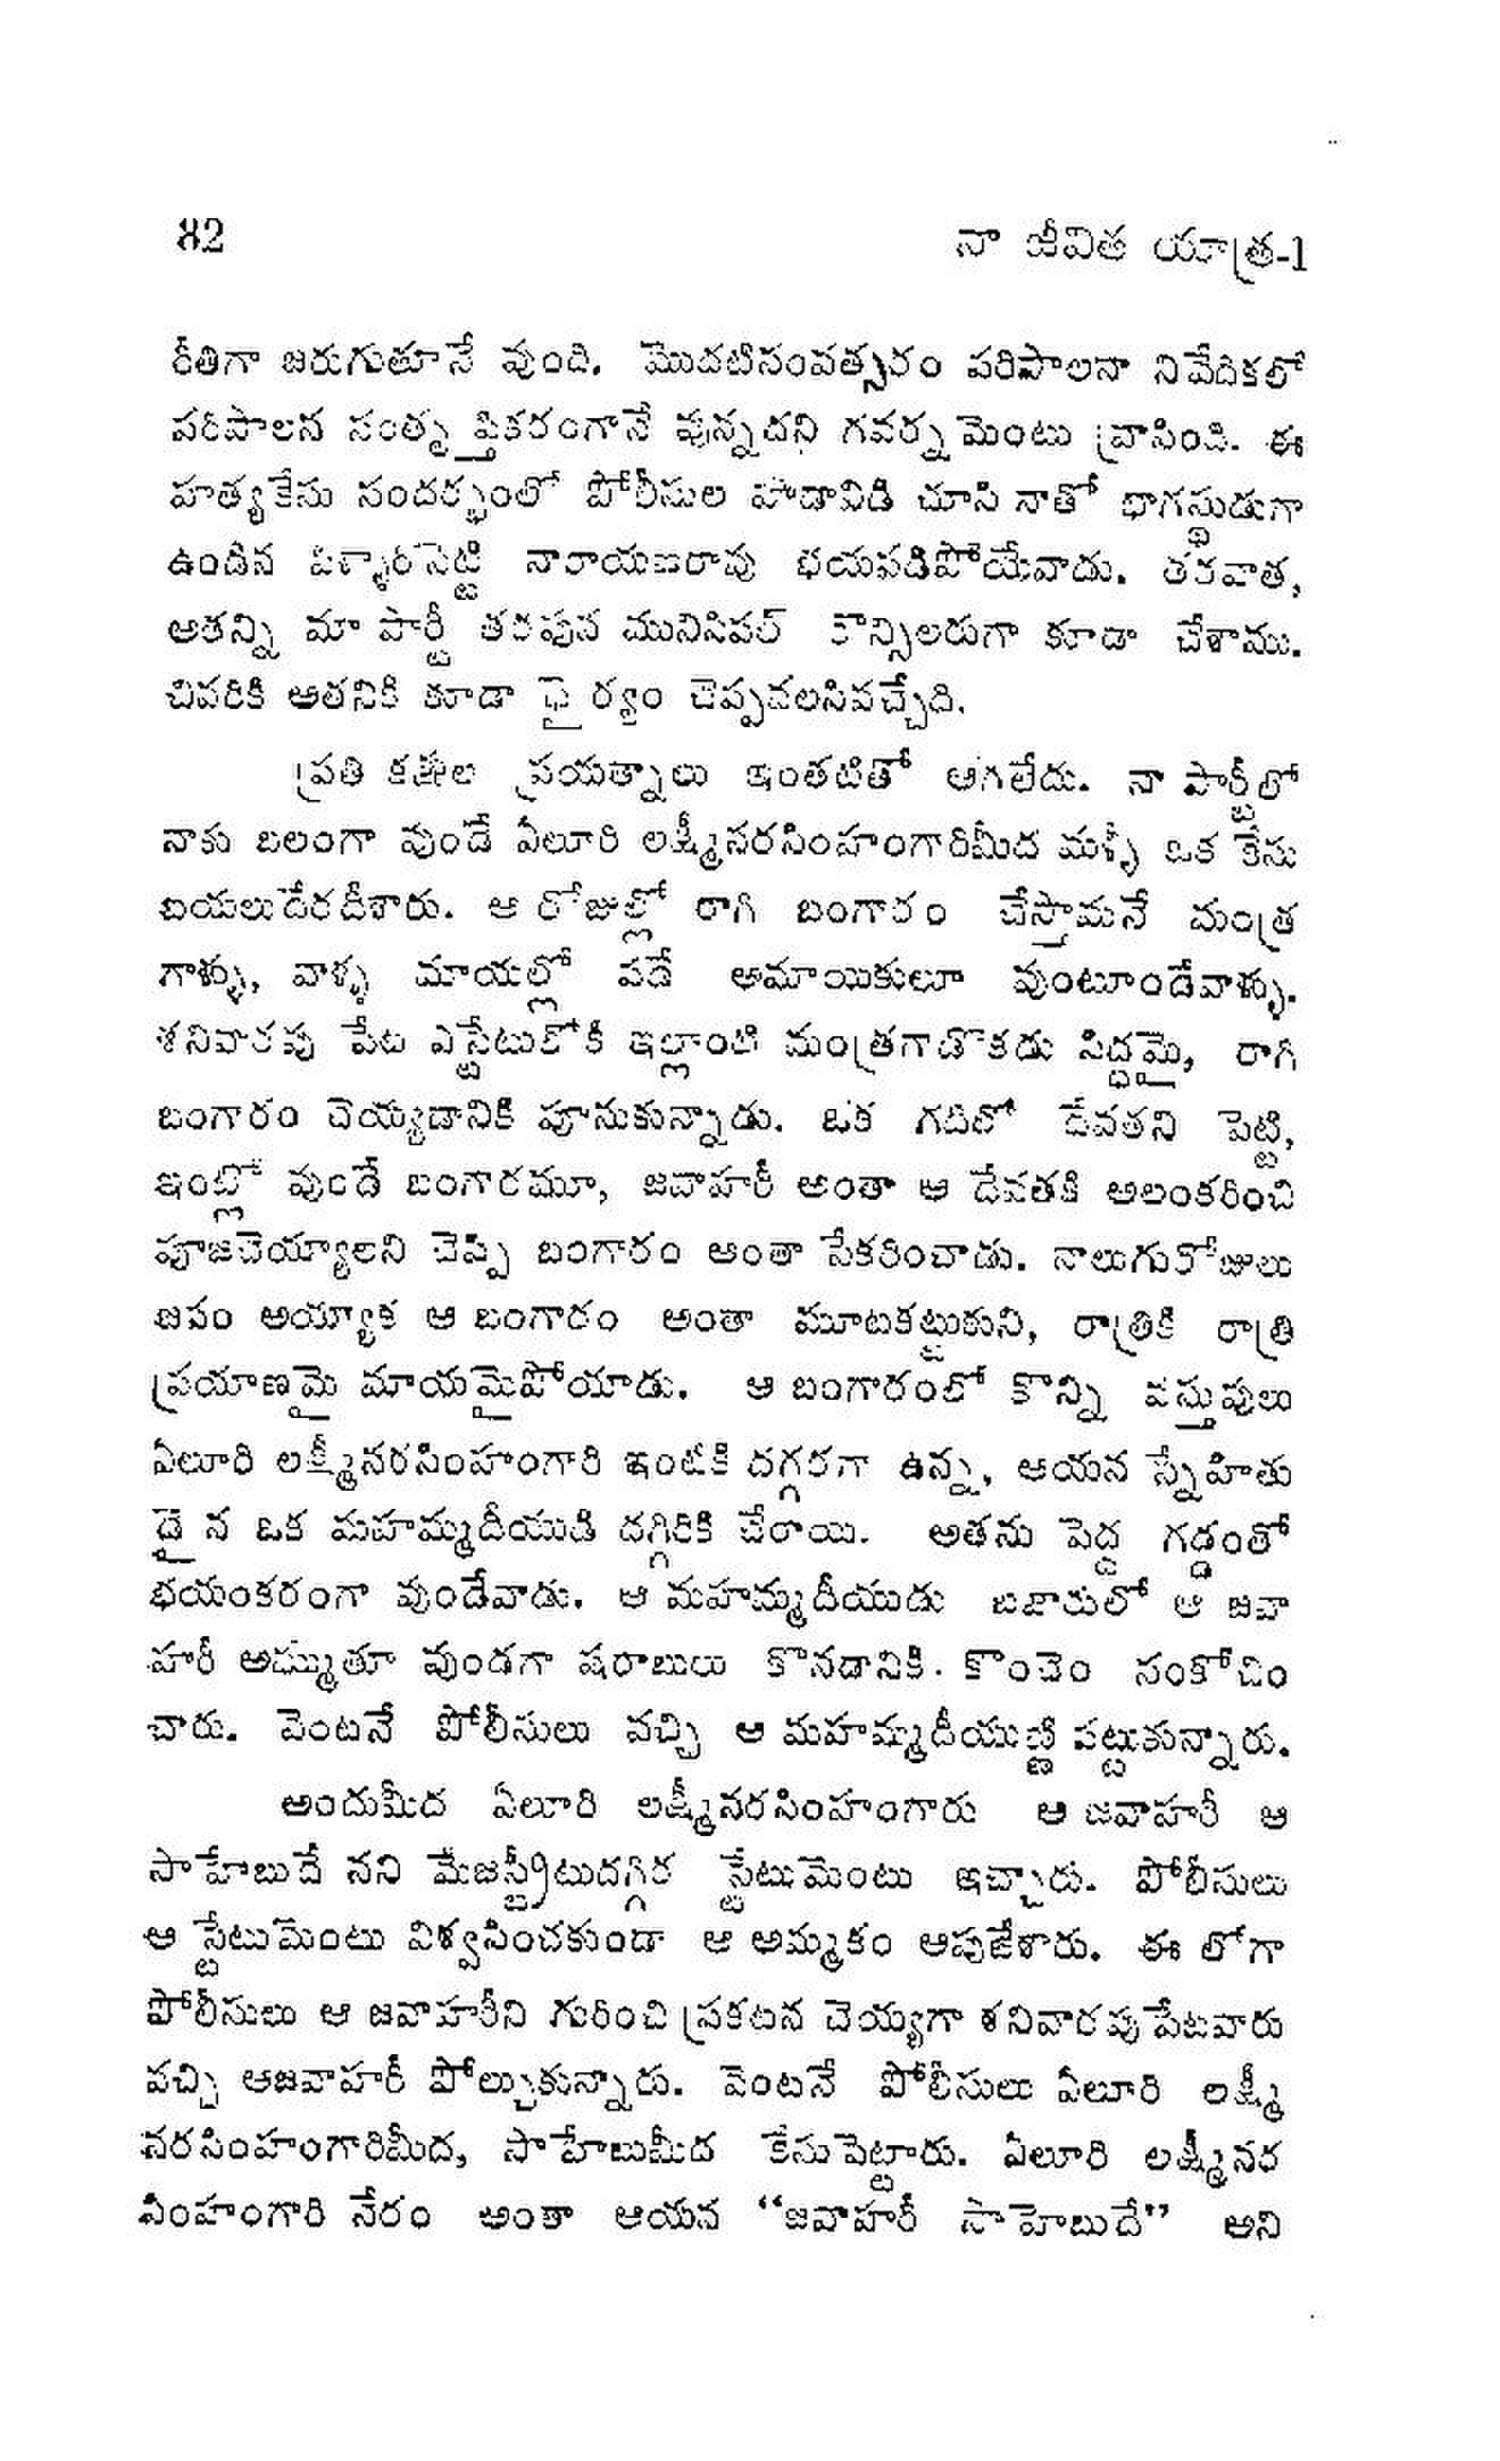రీతిగా జరుగుతూనే వుంది. మొదటిసంవత్సరం పరిపాలనా నివేదికలో పరిపాలన సంతృప్తికరంగానే వున్నదని గవర్నమెంటు వ్రాసింది. ఈ హత్యకేసు సందర్భంలో పోలీసుల హడావిడి చూసి నాతో భాగస్థుడుగా ఉండిన పిళ్ళారిసెట్టి నారాయణరావు భయపడిపోయాడు. తరవాత, అతన్ని మా పార్టీ తరపున మునిసిపల్ కౌన్సిలరుగా కూడా చేశాము. చివరికి అతనికి కూడా ధైర్యం చెప్పవలసివచ్చేది.

ప్రతి కక్షుల ప్రయత్నాలు ఇంతటితో ఆగలేదు. నా పార్టీలో నాకు బలంగా వుండే ఏలూరి లక్ష్మీనరసింహంగారిమీద మళ్ళీ ఒక కేసు బయలుదేరదీశారు. ఆ రోజుల్లో రాగి బంగారం చేస్తామనే మంత్రగాళ్ళు, వాళ్ళ మాయల్లో పడే అమాయికులూ వుంటూండేవాళ్ళు. శనివారపు పేట ఎస్టేటులోకి ఇల్లాంటి మంత్రగాడొకడు సిద్ధమై, రాగి బంగారం చెయ్యడానికి పూనుకున్నాడు. ఒక గదిలో దేవతని పెట్టి, ఇంట్లో వుండే బంగారమూ, జవాహరీ అంతా ఆ దేవతకి అలంకరించి పూజచెయ్యాలని చెప్పి బంగారం అంతా సేకరించాడు. నాలుగురోజులు జపం అయ్యాక ఆ బంగారం అంతా మూటకట్టుకుని, రాత్రికి రాత్రి ప్రయాణమై మాయమైపోయాడు. ఆ బంగారంలో కొన్ని వస్తువులు ఏలూరి లక్ష్మీనరసింహంగారి ఇంటికి దగ్గరగా ఉన్న, ఆయన స్నేహితుడైన ఒక మహమ్మదీయుడి దగ్గిరికి చేరాయి. అతను పెద్ద గడ్డంతో భయంకరంగా వుండేవాడు. ఆ మహమ్మదీయుడు బజారులో ఆ జవాహరీ అమ్ముతూ వుండగా షరాబులు కొనడానికి కొంచెం సంకోచించారు. వెంటనే పోలీసులు వచ్చి ఆ మహమ్మదీయుణ్ణి పట్టుకున్నారు.

అందుమీద ఏలూరి లక్ష్మీనరసింహంగారు ఆ జవాహరీ ఆ సాహేబుదే నని మేజస్ట్రీటుదగ్గిర స్టేటుమెంటు ఇచ్చారు. పోలీసులు ఆ స్టేటుమెంటు విశ్వసించకుండా ఆ అమ్మకం ఆపుజేశారు. ఈ లోగా పోలీసులు ఆ జవాహరీని గురించి ప్రకటన చెయ్యగా శనివారపుపేటవారు వచ్చి ఆజవాహరీ పోల్చుకున్నారు. వెంటనే పోలీసులు ఏలూరి లక్ష్మీనరసింహంగారిమీద, సాహేబుమీద కేసుపెట్టారు. ఏలూరి లక్ష్మీనరసింహంగారి నేరం అంతా ఆయన "జవాహరీ సాహెబుదే" అని